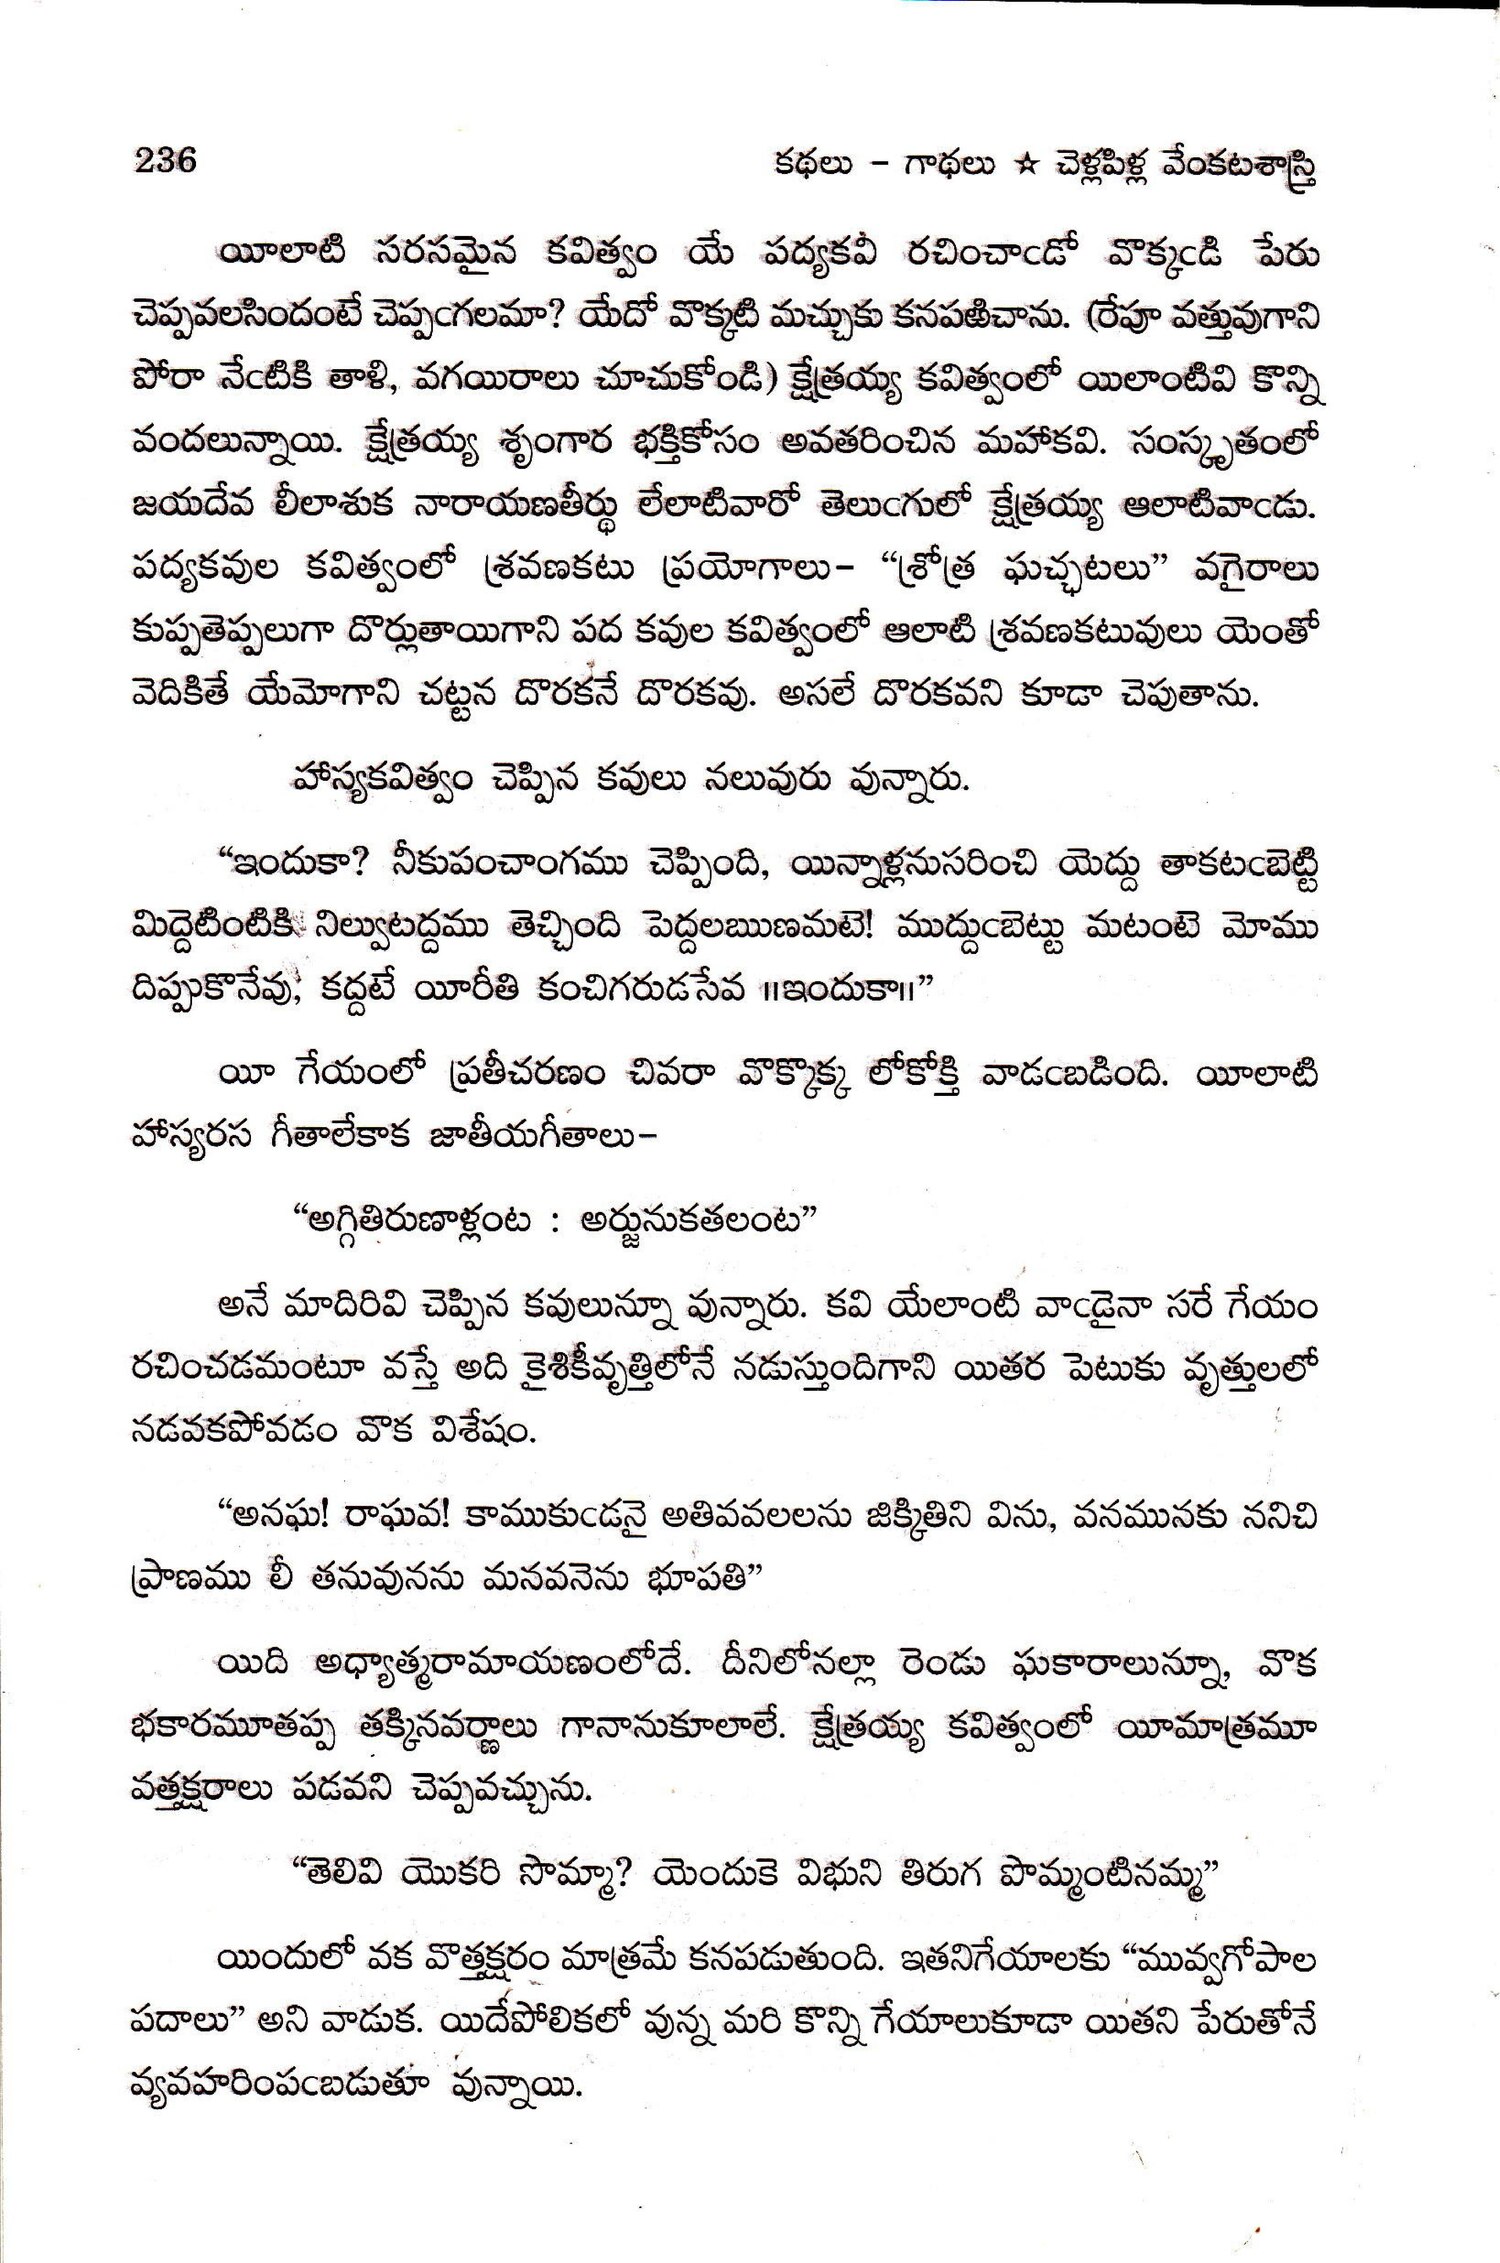యీలాటి సరసమైన కవిత్వం యే పద్యకవి రచించాఁడో వొక్కఁడి పేరు చెప్పవలసిందంటే చెప్పఁగలమా? యేదో వొక్కటి మచ్చుకు కనపఱిచాను. (రేపూ వత్తువుగాని పోరా నేcటికి తాళి, వగయిరాలు చూచుకోండి) క్షేత్రయ్య కవిత్వంలో యిలాంటివి కొన్ని వందలున్నాయి. క్షేత్రయ్య శృంగార భక్తికోసం అవతరించిన మహాకవి. సంస్కృతంలో జయదేవ లీలాశుక నారాయణతీర్థు లేలాటివారో తెలుఁగులో క్షేత్రయ్య ఆలాటివాఁడు. పద్యకవుల కవిత్వంలో శ్రవణకటు ప్రయోగాలు- “శ్రోత్ర ఘచ్చటలు" వగైరాలు కుప్పతెప్పలుగా దొర్లుతాయిగాని పద కవుల కవిత్వంలో ఆలాటి శ్రవణకటువులు యెంతో వెదికితే యేమోగాని చట్టన దొరకనే దొరకవు. అసలే దొరకవని కూడా చెపుతాను.

హాస్యకవిత్వం చెప్పిన కవులు నలువురు వున్నారు.

“ఇందుకా? నీకుపంచాంగము చెప్పింది, యిన్నాళ్లనుసరించి యెద్దు తాకటఁబెట్టి మిద్దెటింటికి నిల్వుటద్దము తెచ్చింది పెద్దలఋణమటె ముద్దుcబెట్టు మటంటె మోము దిప్పుకొనేవు; కద్దబే యీరీతి కంచిగరుడసేవ IIఇందుకా!"

యీ గేయంలో ప్రతీచరణం చివరా వొక్కొక్క లోకోక్తి వాడఁబడింది. యీలాటి హాస్యరస గీతాలేకాక జాతీయగీతాలు-

"అగ్గితిరుణాళ్లంట : అర్జునుకతలంట"

అనే మాదిరివి చెప్పిన కవులున్నూ వున్నారు. కవి యేలాంటి వాఁడైనా సరే గేయం రచించడమంటూ వస్తే అది కైశికీవృత్తిలోనే నడుస్తుందిగాని యితర పెటుకు వృత్తులలో నడవకపోవడం వొక విశేషం.

“అనఘ! రాఘవ! కాముకుఁడనై అతివవలలను జిక్కితిని విను, వనమునకు ననిచి ప్రాణము లీ తనువునను మనవనెను భూపతి"

యిది అధ్యాత్మరామాయణంలోదే. దీనిలోనల్లా రెండు ఘకారాలున్నూ వొక భకారమూతప్ప తక్కినవర్ణాలు గానానుకూలాలే. క్షేత్రయ్య కవిత్వంలో యీమాత్రమూ వత్తక్షరాలు పడవని చెప్పవచ్చును.

"తెలివి యొకరి సొమ్మా యెందుకె విభుని తిరుగ పొమ్మంటినమ్మ"

యిందులో వక వొత్తక్షరం మాత్రమే కనపడుతుంది. ఇతనిగేయాలకు "మువ్వగోపాల పదాలు" అని వాడుక. యిదేపోలికలో వున్న మరి కొన్ని గేయాలుకూడా యితని పేరుతోనే వ్యవహరింపఁబడుతూ వున్నాయి.